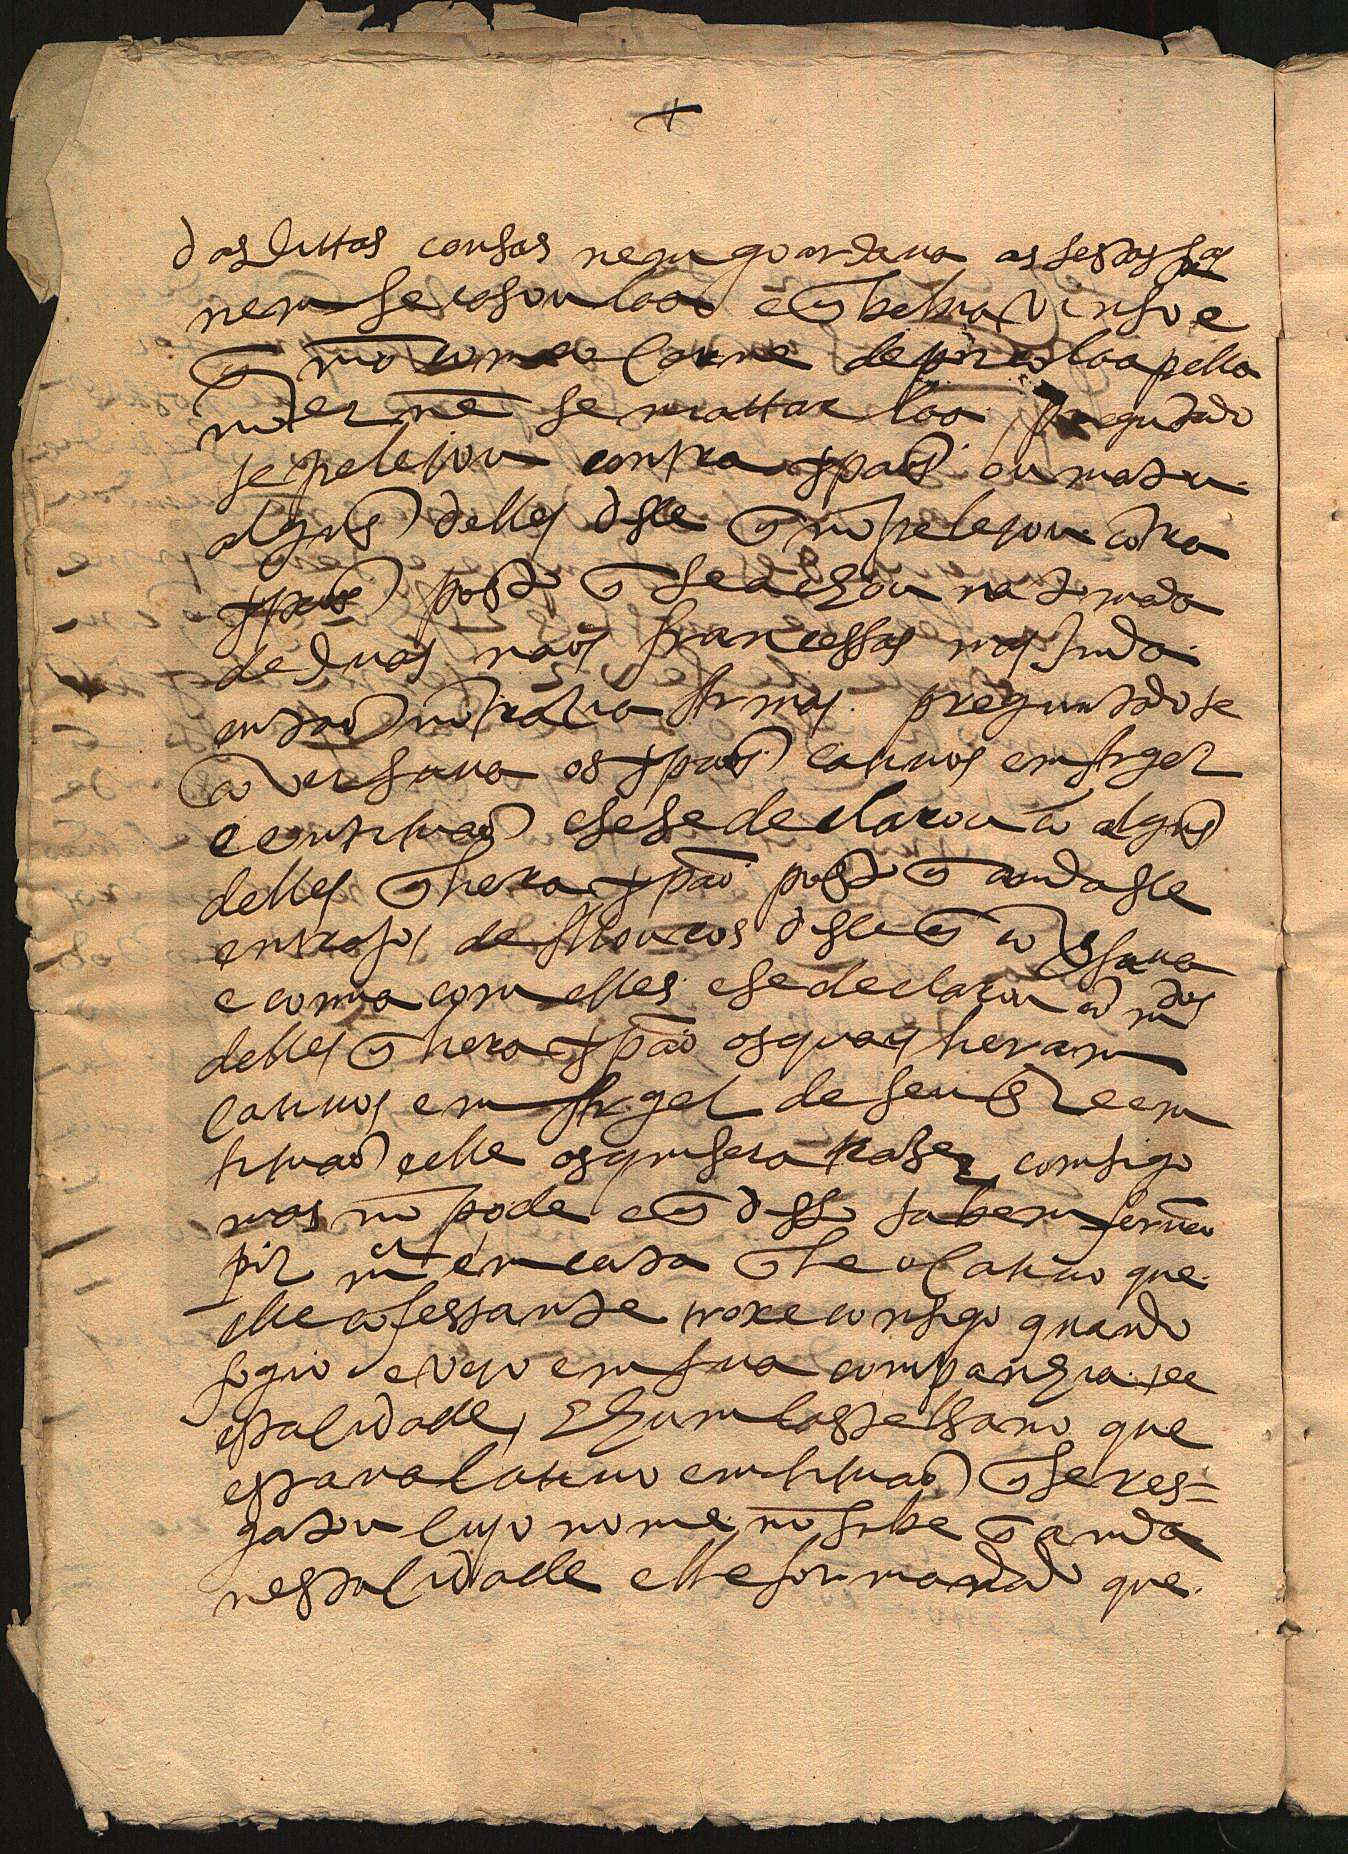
das dittas cousas nem goardaua as sestas fras
nem se casou laa e q̄ bebia vinho e
q̄ nō comeo Carne de porco laa pella
nō ter nē se mattar laa, pregūtado
se pelejou contra xpaõs ou matou
algus̄ delles disse q̄ nō pelejou cōtra
xpaõs posto q̄ se achou na tomada
de duas naos francessas mas Jnda
entaõ nō trazia Armas. preguntado se
c̄oversaua os xpaõs catiuos em ArgeL
e em tituaõ e se se declarou c̄o algūs
delles q̄ hera xpão posto q̄ amdasse
en trajos de Mouros disse q̄ c̄oꝟsaua
e comia com elles e se declarou cō mtos
delles q̄ hera xpão os quais heram
Catiuos em Argel de seu sor e em
tituaõ e elle os quisera trazer comsigo
mas nō pode e q̄ disso sabera fernão
piz mor em ceita q̄ he o Catiuo que
elle cōfessante troxe consigo quando
fogio e vejo em sua companhia tee
esta Cidade, e hum Castelhano que
estava Catiuo em tituaõ q̄ se res
gatou Cujo nome nō sabe q̄ amda
nesta Cidade e lhe foi mandado que
